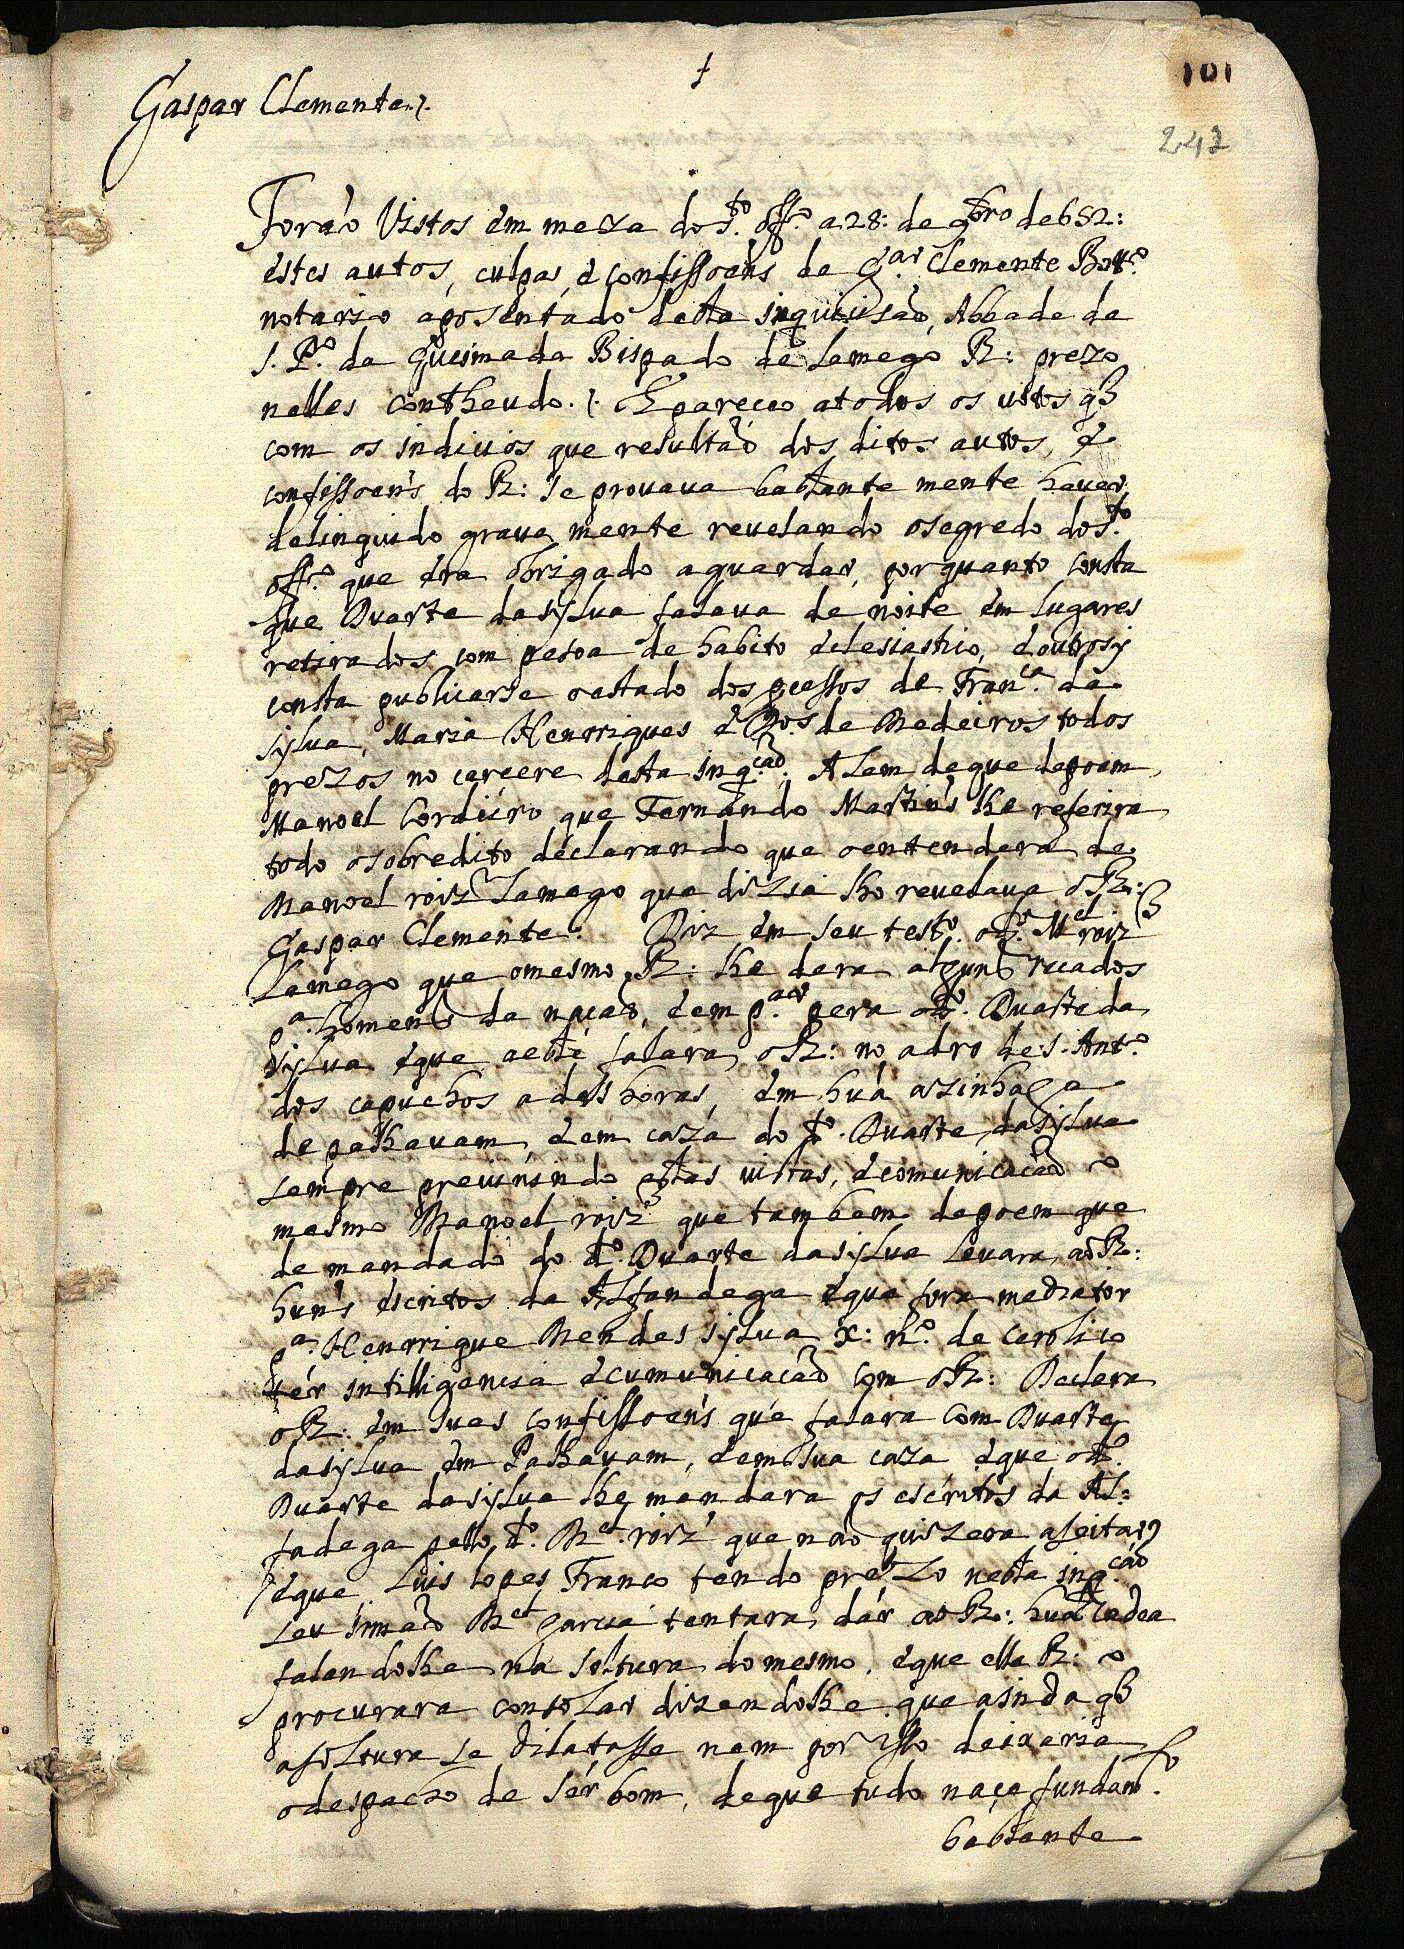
101
Gaspar Clemente ./.
Foraõ Vistos em meza do s.to off.o a 28: de 9b̄ro de 652:
estes autos, culpas, e confissoens de G.ar clemente Bott.o
notario aposentado desta inquisisaõ, Abbade de
s. P.o de queima do Bispado de Lamego R. prezo
nelles contheudo ./. E pareceo a todos os uotos q̄
com os indicios que resultaõ dos ditos autos, e
confissoens do R: se prouaua bastantemente hauer
delinquido grauemente reuelando o segredo do s.to
off.o que era obrigado a guardar, porquanto consta
que Duarte da sylua falaua de noite em lugares
retirados com pesoa de habito eclesiastico, e outrosy
consta publicarse o estado dos ꝓcessos de Fran.ca da
sylua, Maria Henrriques e D.os de Medeiros todos
prezos no carcere desta inꝗ.çaõ. Alem de que depoem
Manoel Cordeiro que Fernando Martins lhe referira
todo o sobredito declarando que o entendera de
Manoel roiz̄ Lamego que dizia lho reuelaua o R.
Gaspar Clemente. Diz em seu testo. o d̄.o Mel roiz̄
Lamego que o mesmo R: lhe dera alguns recados
pa. homens da naçaõ, e em p.ar pera o d̄.o Duarte da
sylua e que a este falara, o R. no adro de .s. Ant.o
dos capuchos a des horas, em huā azinhaga
de palhauam, e em caza do d̄.o Duarte da sylua
sempre preuinindo estas uistas, e comunicaçaõ o
mesmo Manoel roiz̄ que tambem depoem que
de mandado do d̄.o Duarte da sylua leuara ao R.
huns escritos da Alfandega e que fora mediator
pa; Henrrique Mendes sylua x: n.o de cerolico
ter intilligencia e comunicaçaõ com o R: Declara
o R: em suas confissoen̄s que falara com Duarte
da sylua em Palhauam, e em sua caza e que o d̄.o
Duarte da sylua lhe mandara os escritos da Al
fadega pello d̄.o M.el roiz̄ que naõ quizera aseitar
e que Luis lopes Franco tendo prezo nesta inꝗ.çaõ
seu Irmaõ Mel Garcia tentara dar ao R. huā cadea
falandolhe na soltura do mesmo, e que elle R: o
procurara consoLar dizendolhe que ainda q̄
a soltura se dilatasse nem por isso deixaria
o despacho de ser bom, de que tudo naça fundam.to
bastante
